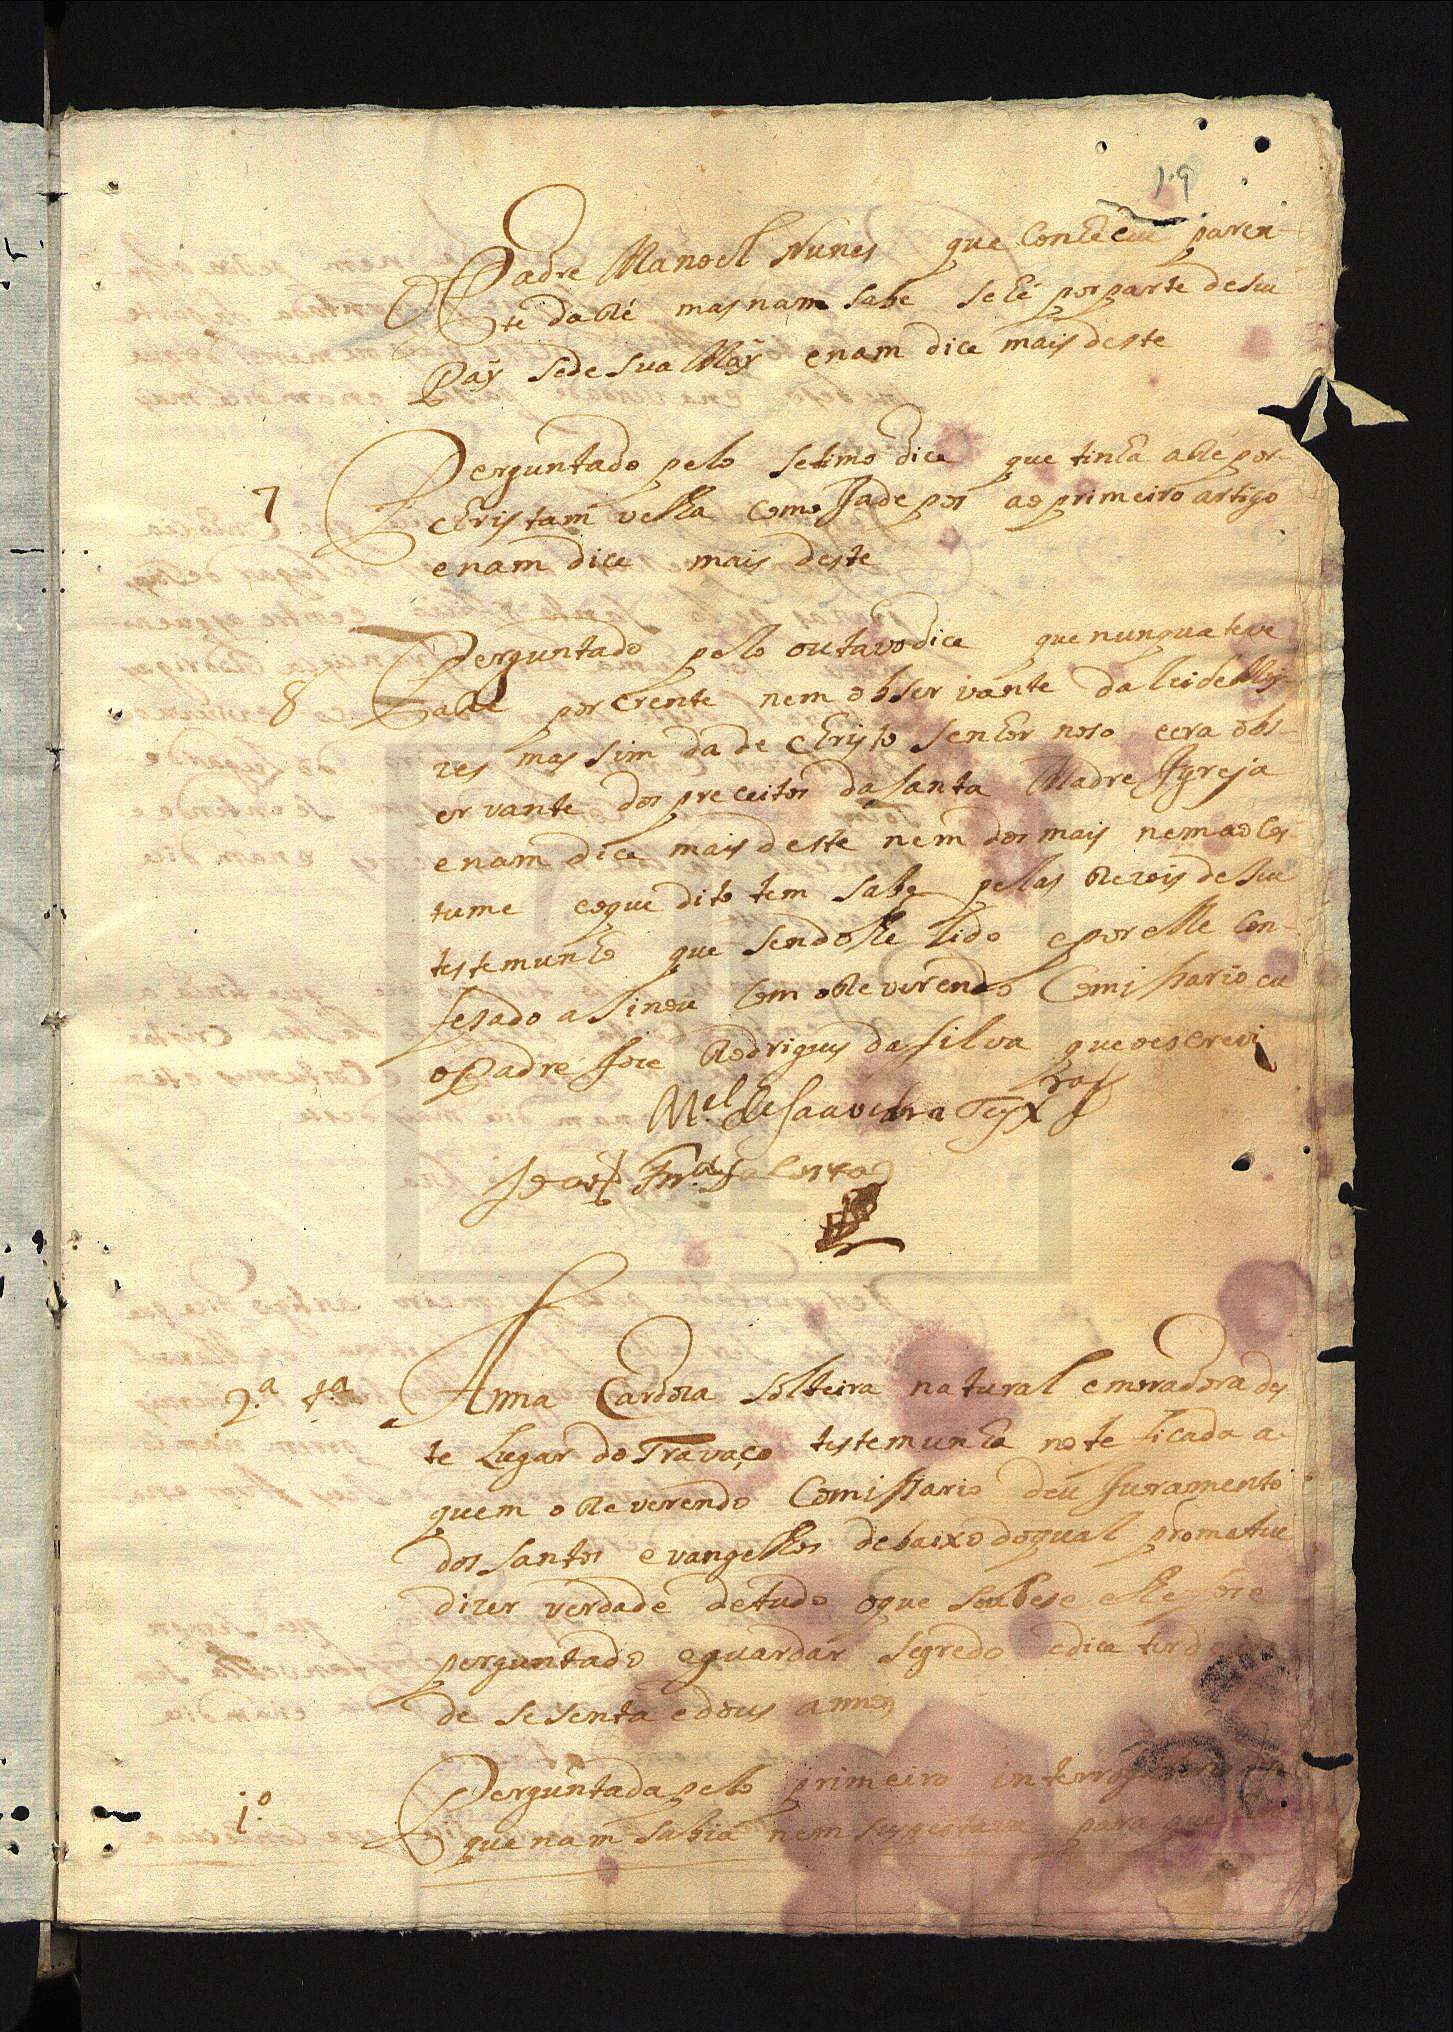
O Padre Manoel Nunes que conheceu paren
te da Ré mas nam sabe se hé por parte de seu
Pay se de sua Maỹ e nam dice mais deste
Perguntado pelo Setimo dice que tinha a Ré por
christam velha como Ja depos ao primeiro artigo
e nam dice mais deste
Perguntado pelo outavo dice que nunqua teve
a Re por crente nem observante da lei de Moy
zes mas sim da de christo Senhor noso e era obs
ervante dos preceitos da Santa Madre Jgreja
e nam dice mais deste nem dos mais nem ao cos
tume e o que tem sabe pelas Rezois de seu
testemunho que sendolhe lido e por elle con
fesado aSinou com o Reverendo Comissario eu
o Padre Joze Rodrigues da Silva que o escrevi
Anna Cardoza Solteira natural e moradora des
te Lugar do Travaço testemunha noteficada a
quem o Reverendo Comissario deu Juramento
dos Santos evangelhos debaixo do qual prometeu
dizer verdade de tudo o que soubese e lhe fose
perguntado e guardar Segredo dice ter de ida
de sesenta e dous annos
Perguntada pelo primeiro interroga_io
que nam sabia nem suspeitava para que
